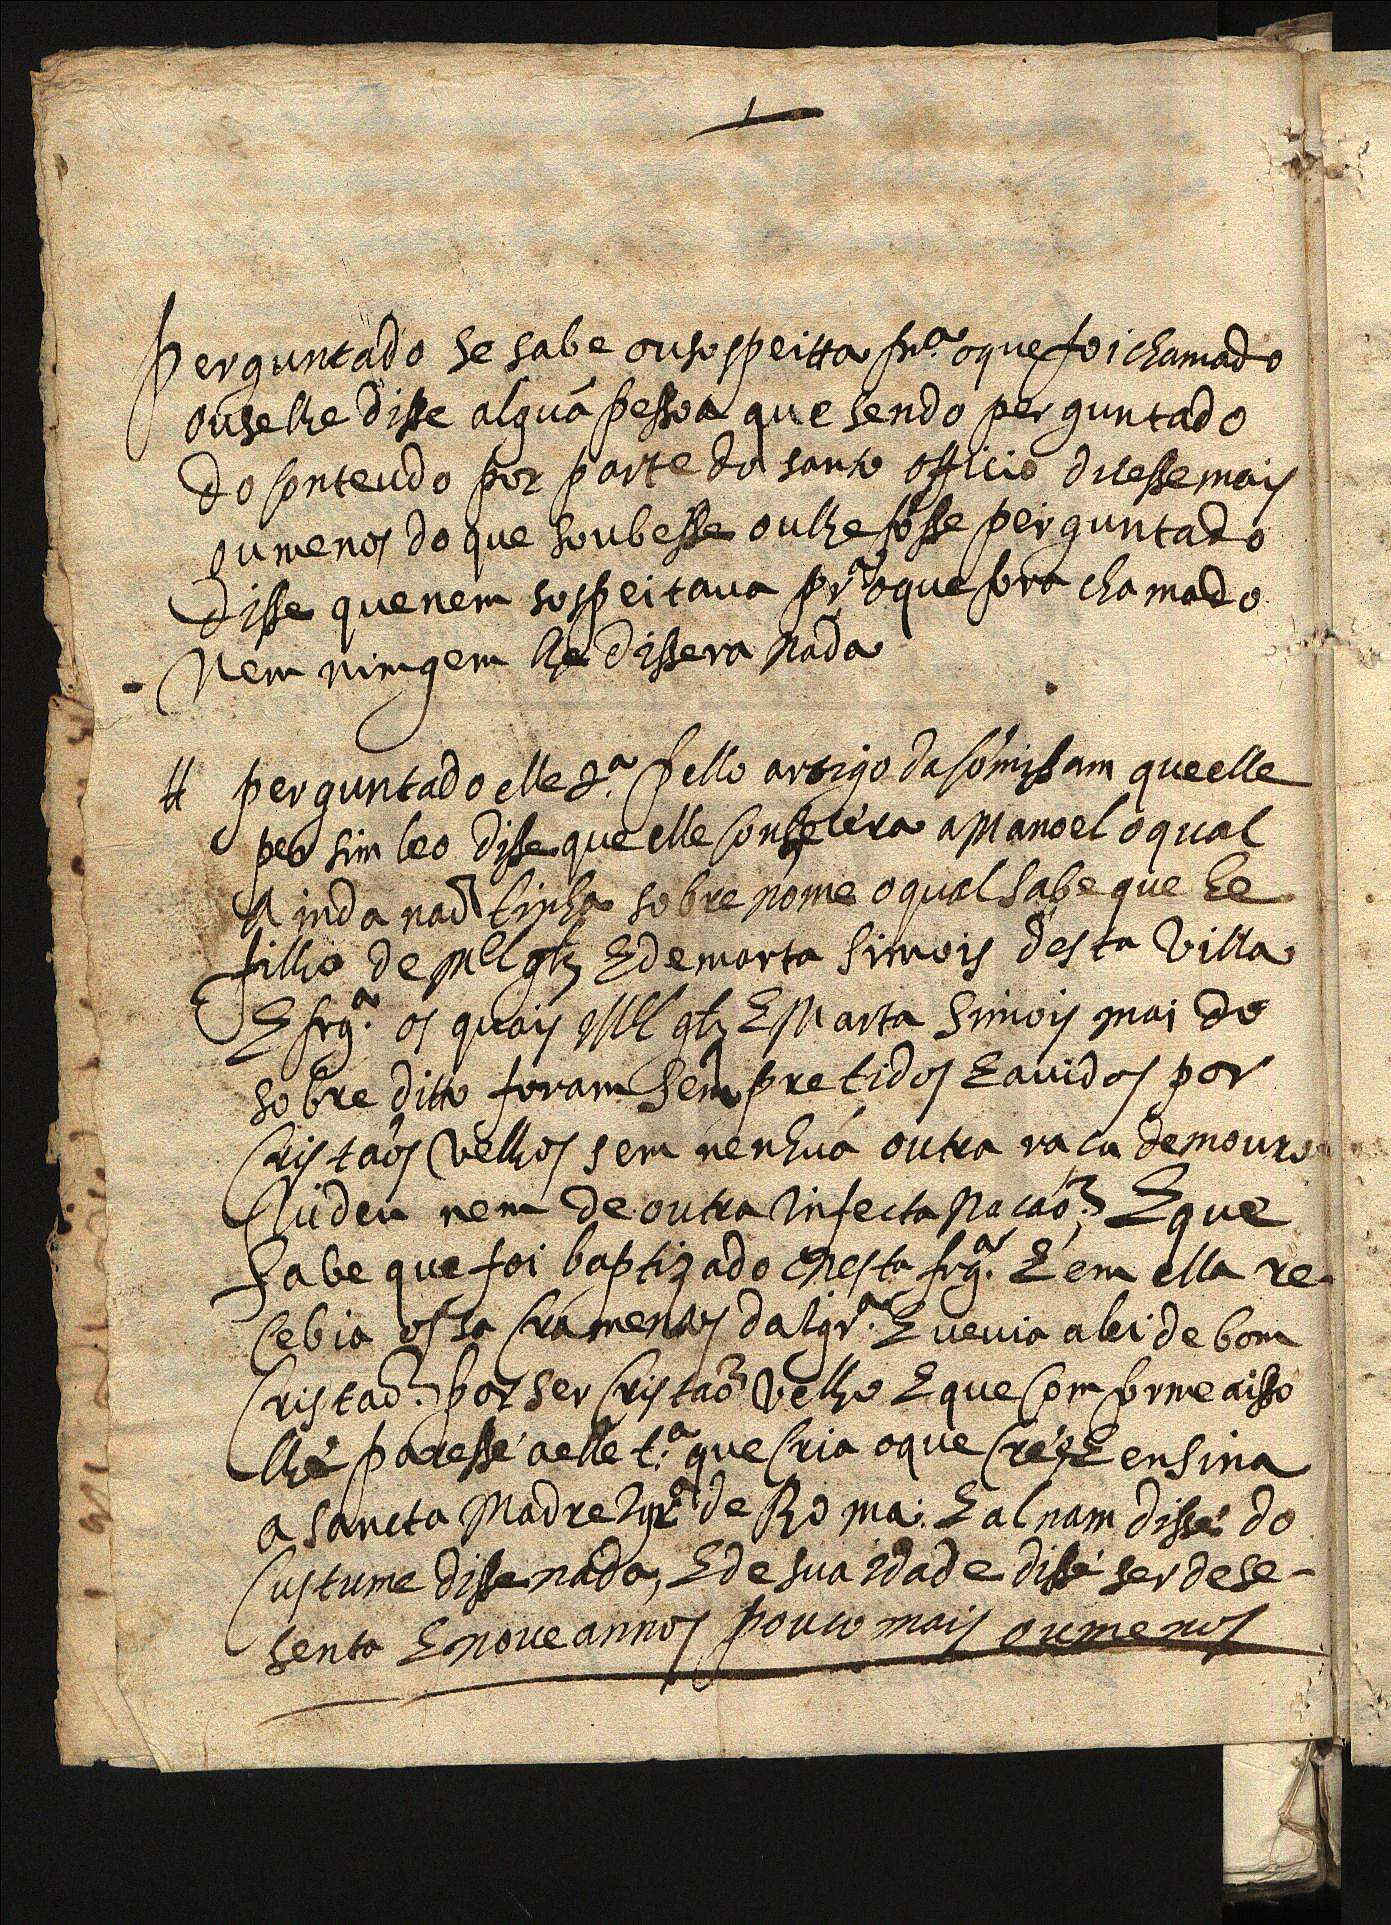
perguntado se sabe ou sospeitta pr.a o que foi chamado
ou se lhe disse alguā pessoa que sendo perguntado
do Conteudo por parte do santo officio dicesse mais
ou menos do que soubesse ou lhe fosse perguntado
disse que nem sospeitaua pra o que fora chamado
nem nimgem lhe dissera nada
item perguntado elle t.a pello artigo da Com̄issam que elle
per sim leo disse que elle Conhecera a manoel o qual
ainda naõ tinha sobrenome o qual sabe que he
filho de mel gl̄z E de marta simois desta villa
E freg.a os quais Mel gl̄z E Marta Simois mai do
sobreditto foram sempre tidos E auidos por
Cristaõs velhos sem nenhuā outra raça de mouro
Iudeu nem de outra infecta naçaõ; E que
sabe que foi baptizado nesta frg.a E em ella re
cebia os saCramentos da Igr.a E ueuia a lei de bom
Cristão. por ser Cristaõ velho E que Comforme a isso
lhe paresse a elle t.a que Cria o que Cree E ensina
a sancta madre Igra de Roma: E al nam disse do
Custume disse nada, E de sua idade disse ser de se
senta E noue annos pouco mais ou menos
